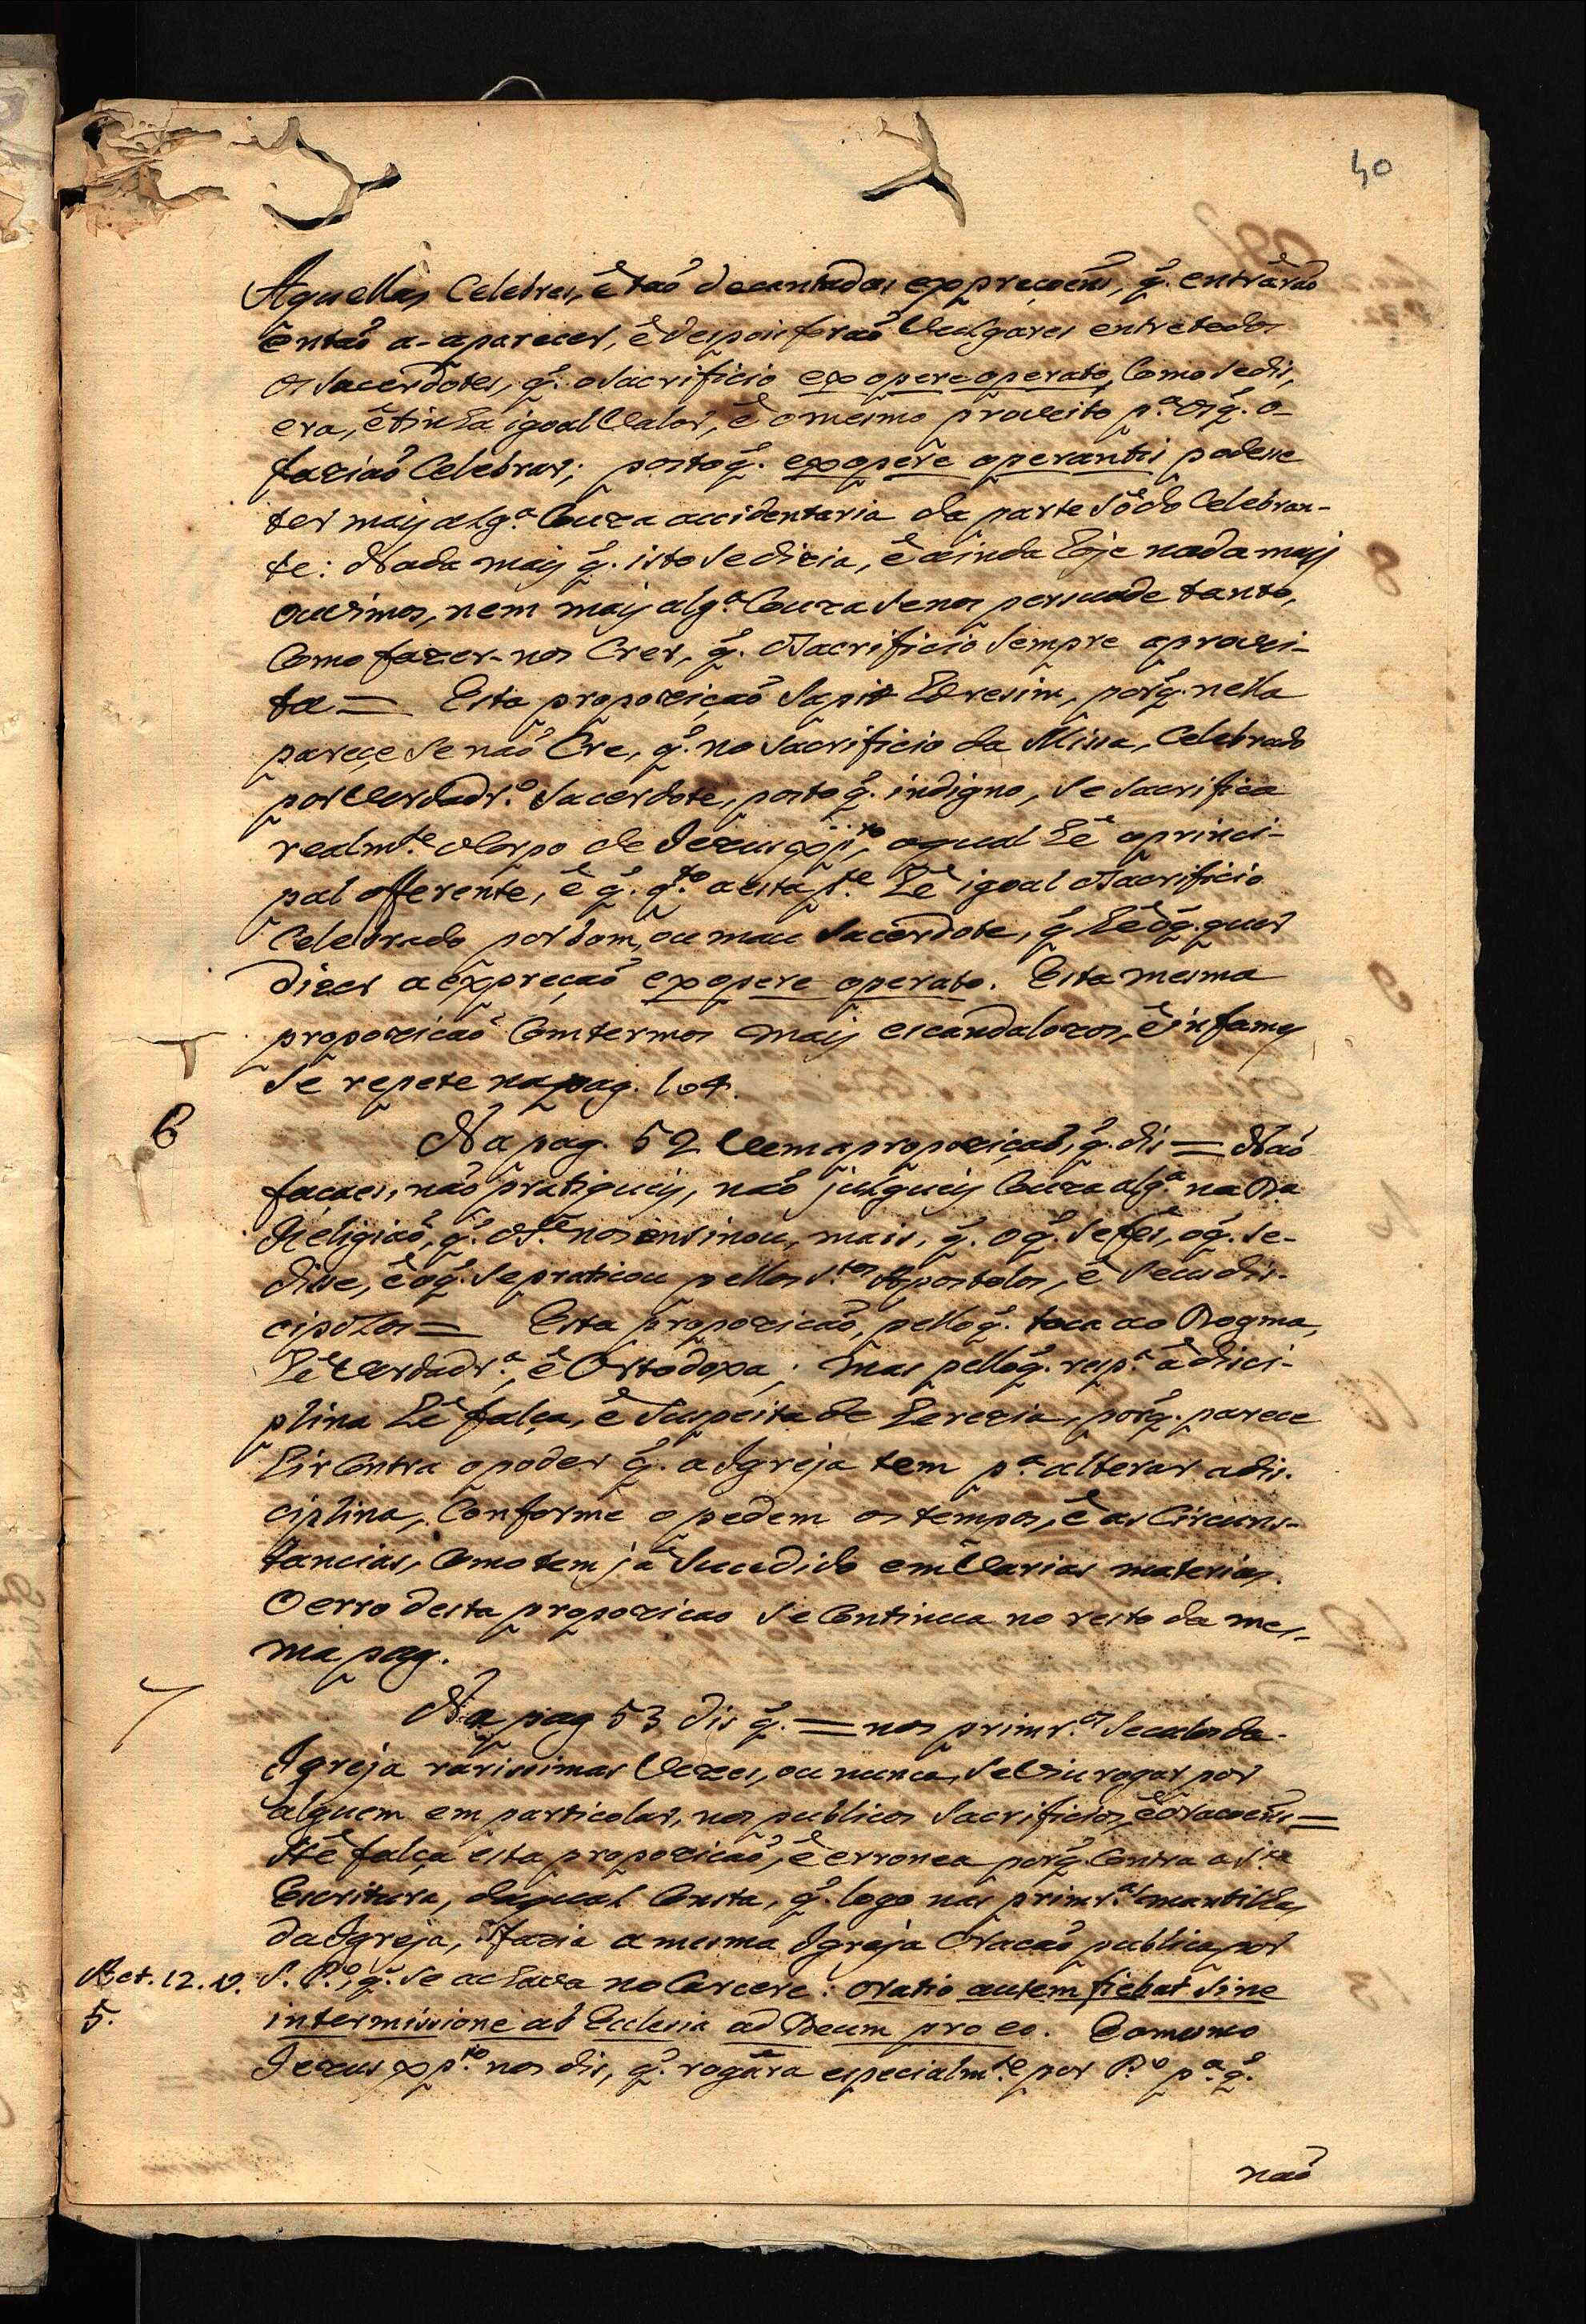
6
Ret. 12.V.
5.
Aquellas Celebres, ê taõ decantadas expreçoeñs, q̄. entrâraõ
entaõ a-aparecer, ê despois foraõ Vulgares entre todos
os sacerdotes, q̄ o sacrificio ex opere operato, Como se dis,
era, ê tinha igoal Valor, ê o mesmo proveito p.a os q̄. o
faziaõ Celebrar; posto q̄. ex opere operanti podesse
ter mais alg.a Couza accidentaria da parte sô do Celebran
te: Nada mais q̄. isto se dizia, ê ainda hoje nada mais
ouvimos, nem mais alg.a Couza se nos persuade tanto,
Como fazer-nos Crer, q̄ o sacrificio sempre aprovei
ta = Esta propoziçaõ sapit haeresim, porq̄ nella
pareçe se naõ cre, q̄ no sacrificio da Missa, celebrando
por verdadr.o sacerdote, posto q̄. indigno, se sacrifica
realm.te o corpo de Iezus xpto, o qual hê o princi
pal offerente, ê q̄ q.to a esta p.te hê igoal o sacrificio
Celebrado por bom, ou mau sacerdote, q̄ hê o q̄ quer
dizer a expreçaõ ex opere operato. Esta mesma
propozicaõ Com termos mais escandalozos, ê infames
se repete na pag. 104.
Na pag. 52 vem a propoziçaõ, q̄ dis = Naõ
façaes, naõ pratiqueis, naõ julgueis Couza alg.a na D.a
Religiaõ, q̄ o s.r nos ensinou, mais, q̄. o q̄ se fês, o q̄ se
disse, ê o q̄. se praticou pellos s.tos Apostolos, ê seus dis
cipoLos = Esta propozicaõ, pello q̄ toca ao Dogma,
hê verdadr.a, ê Ortodoxa; mas pello q̄ resp.a â disci
plina hê falça, ê suspeita de herezia, porq̄ parece
hir contra o poder q̄. a Igreja tem p.a alterar a dis
ciplina, conforme o pedem os tempos, ê as circuns
tancias, Como tem jâ sucedido em Varias materias.
O erro desta propozicao se continua no resto da mes
ma pag.
Na pag. 53 dis q̄. = nos primr.os seculos da
Igreja rarissimas Vezes, ou nunca se viu rogar por
alguem em particolar, nos publicos sacrificios, e oracoeñs =
Hê falça esta prepozicaõ, ê erronea porq̄ contra a s.ta
Escritura, da qual consta, q̄. Logo nas primr.as mantilhas
da Igreja, fazia a mesma Igreja oracaõ publica por
S. P.o, q̄. se achava no Carcere. oratio autem fiebat sine
intermissione ad Ecclesia ad Deum pro eo. E o mesmo
Iezus xp.to nos dis, q̄. rogâra especialm.te por P.o p.a q̄.o
naõ
